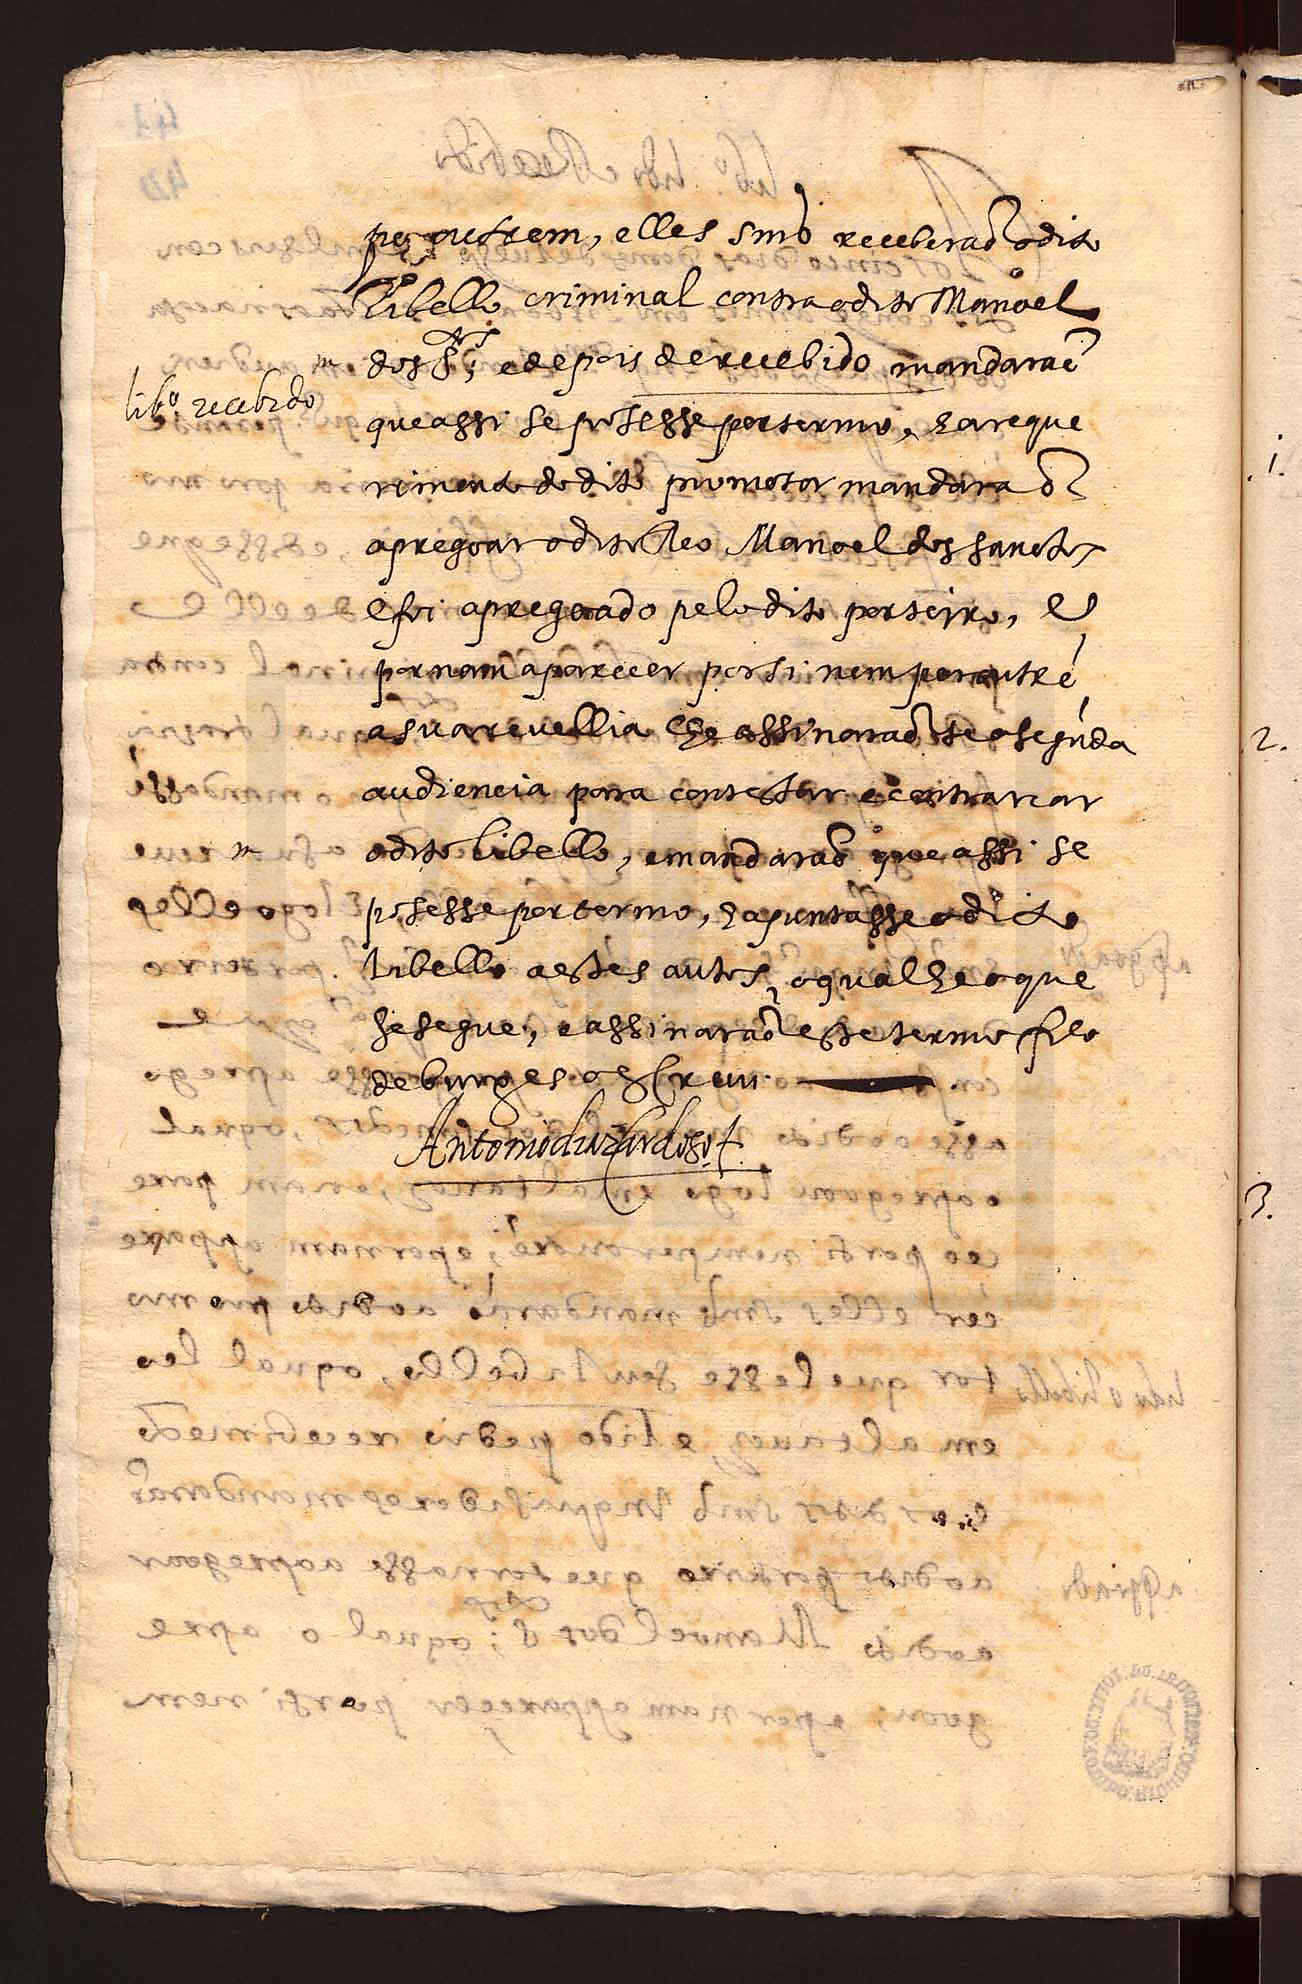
per outrem, e elles snrs̄ receberaõ o dito
libello criminal contra o dito Manoel
dos Stos, e depois de recebido mandaraē
que assi se posesse por termo, e a reque
rimento do dito promotor mandaraõ
apregoar o dito Reo Manoel dos Sanctos
e foi apregoado pelo dito porteiro, e
por nom aparecer por si nem por outrē
a sua reuellia lhe assinaraõ se a segūda
audiencia para contestar e contrariar
o dito libello, e mandaraõ que assi se
posesse por termo, E ajuntasse o dito
Libello a estes autos, o qual he o que
se segue, e assinaraõ este termo frco
de burges o screvi.
